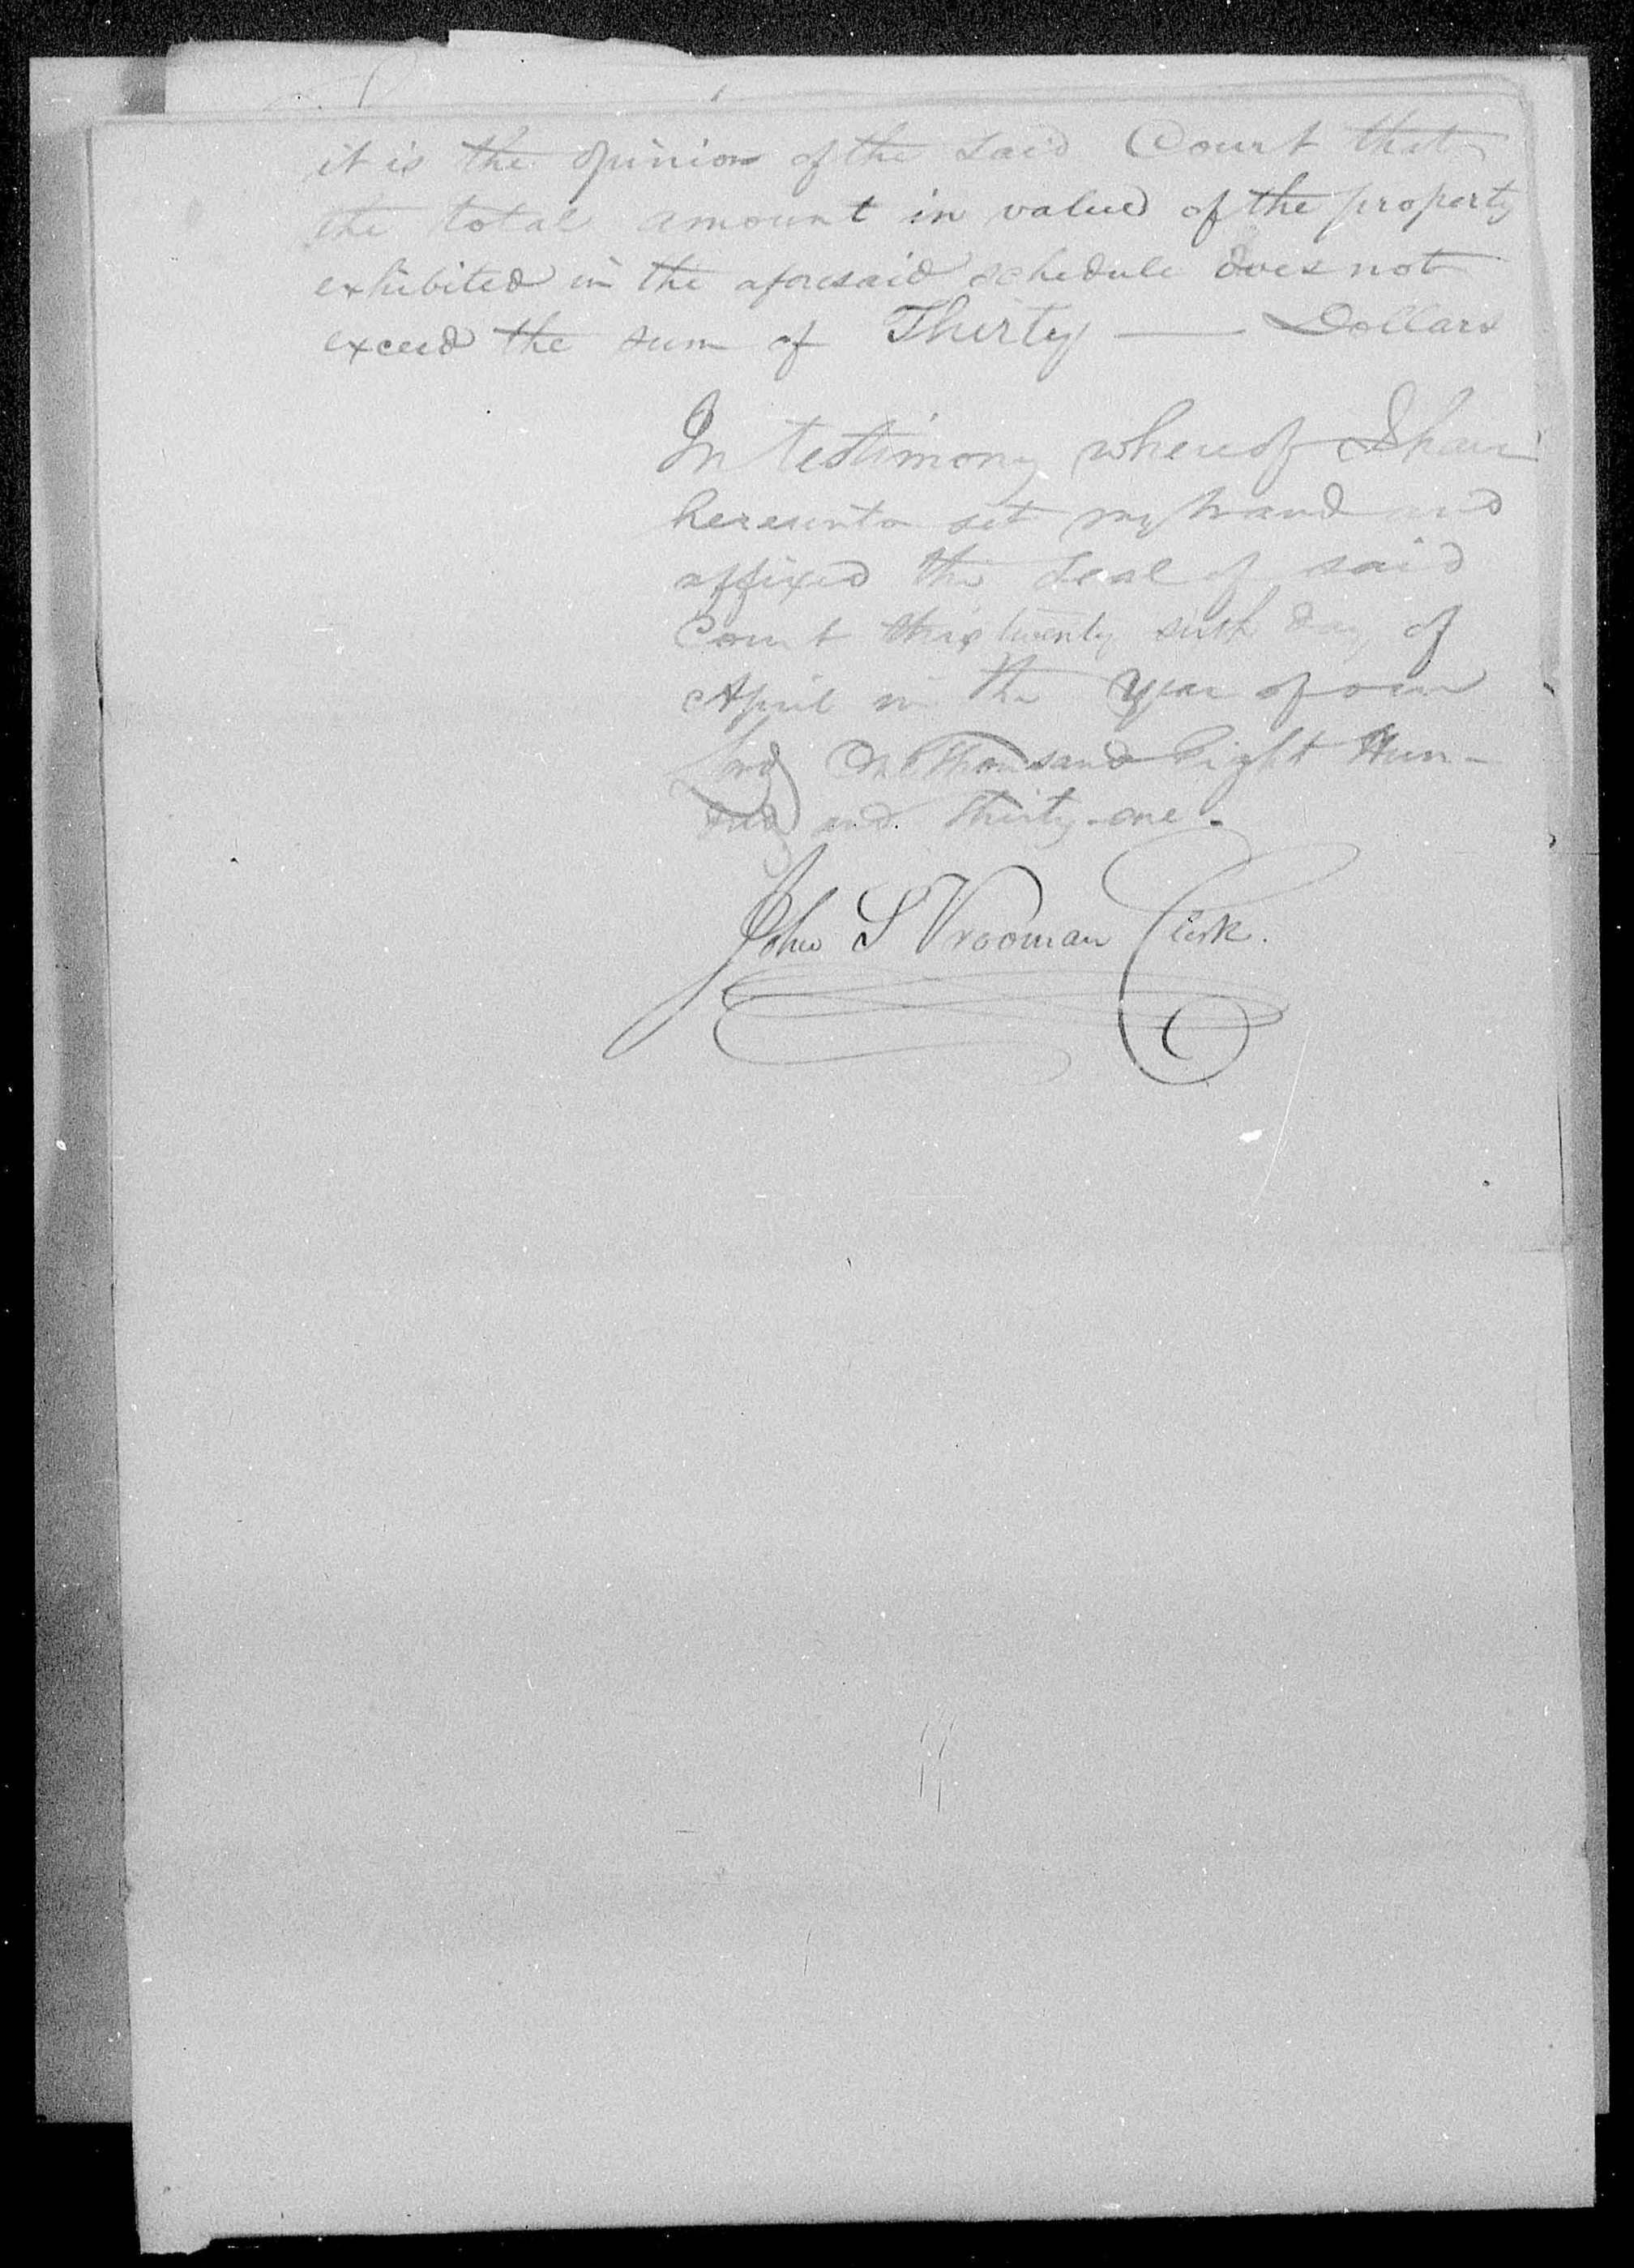it is the opinion of the said Court that the total amount in value of the property exhibited in the aforesaid schedule does not exceed the sum of Thirty Dollars. 
In testimony whereof I have hereunto set my hand and affixed the seal of said Court this twenty sixth day of April in the year of our Lord one thousand eight hundred and thirty-one. 
John S. Vrooman Clerk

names: John S Vrooman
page: 31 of 40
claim: widow's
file: W. 21876, for Christian Osterman, New York